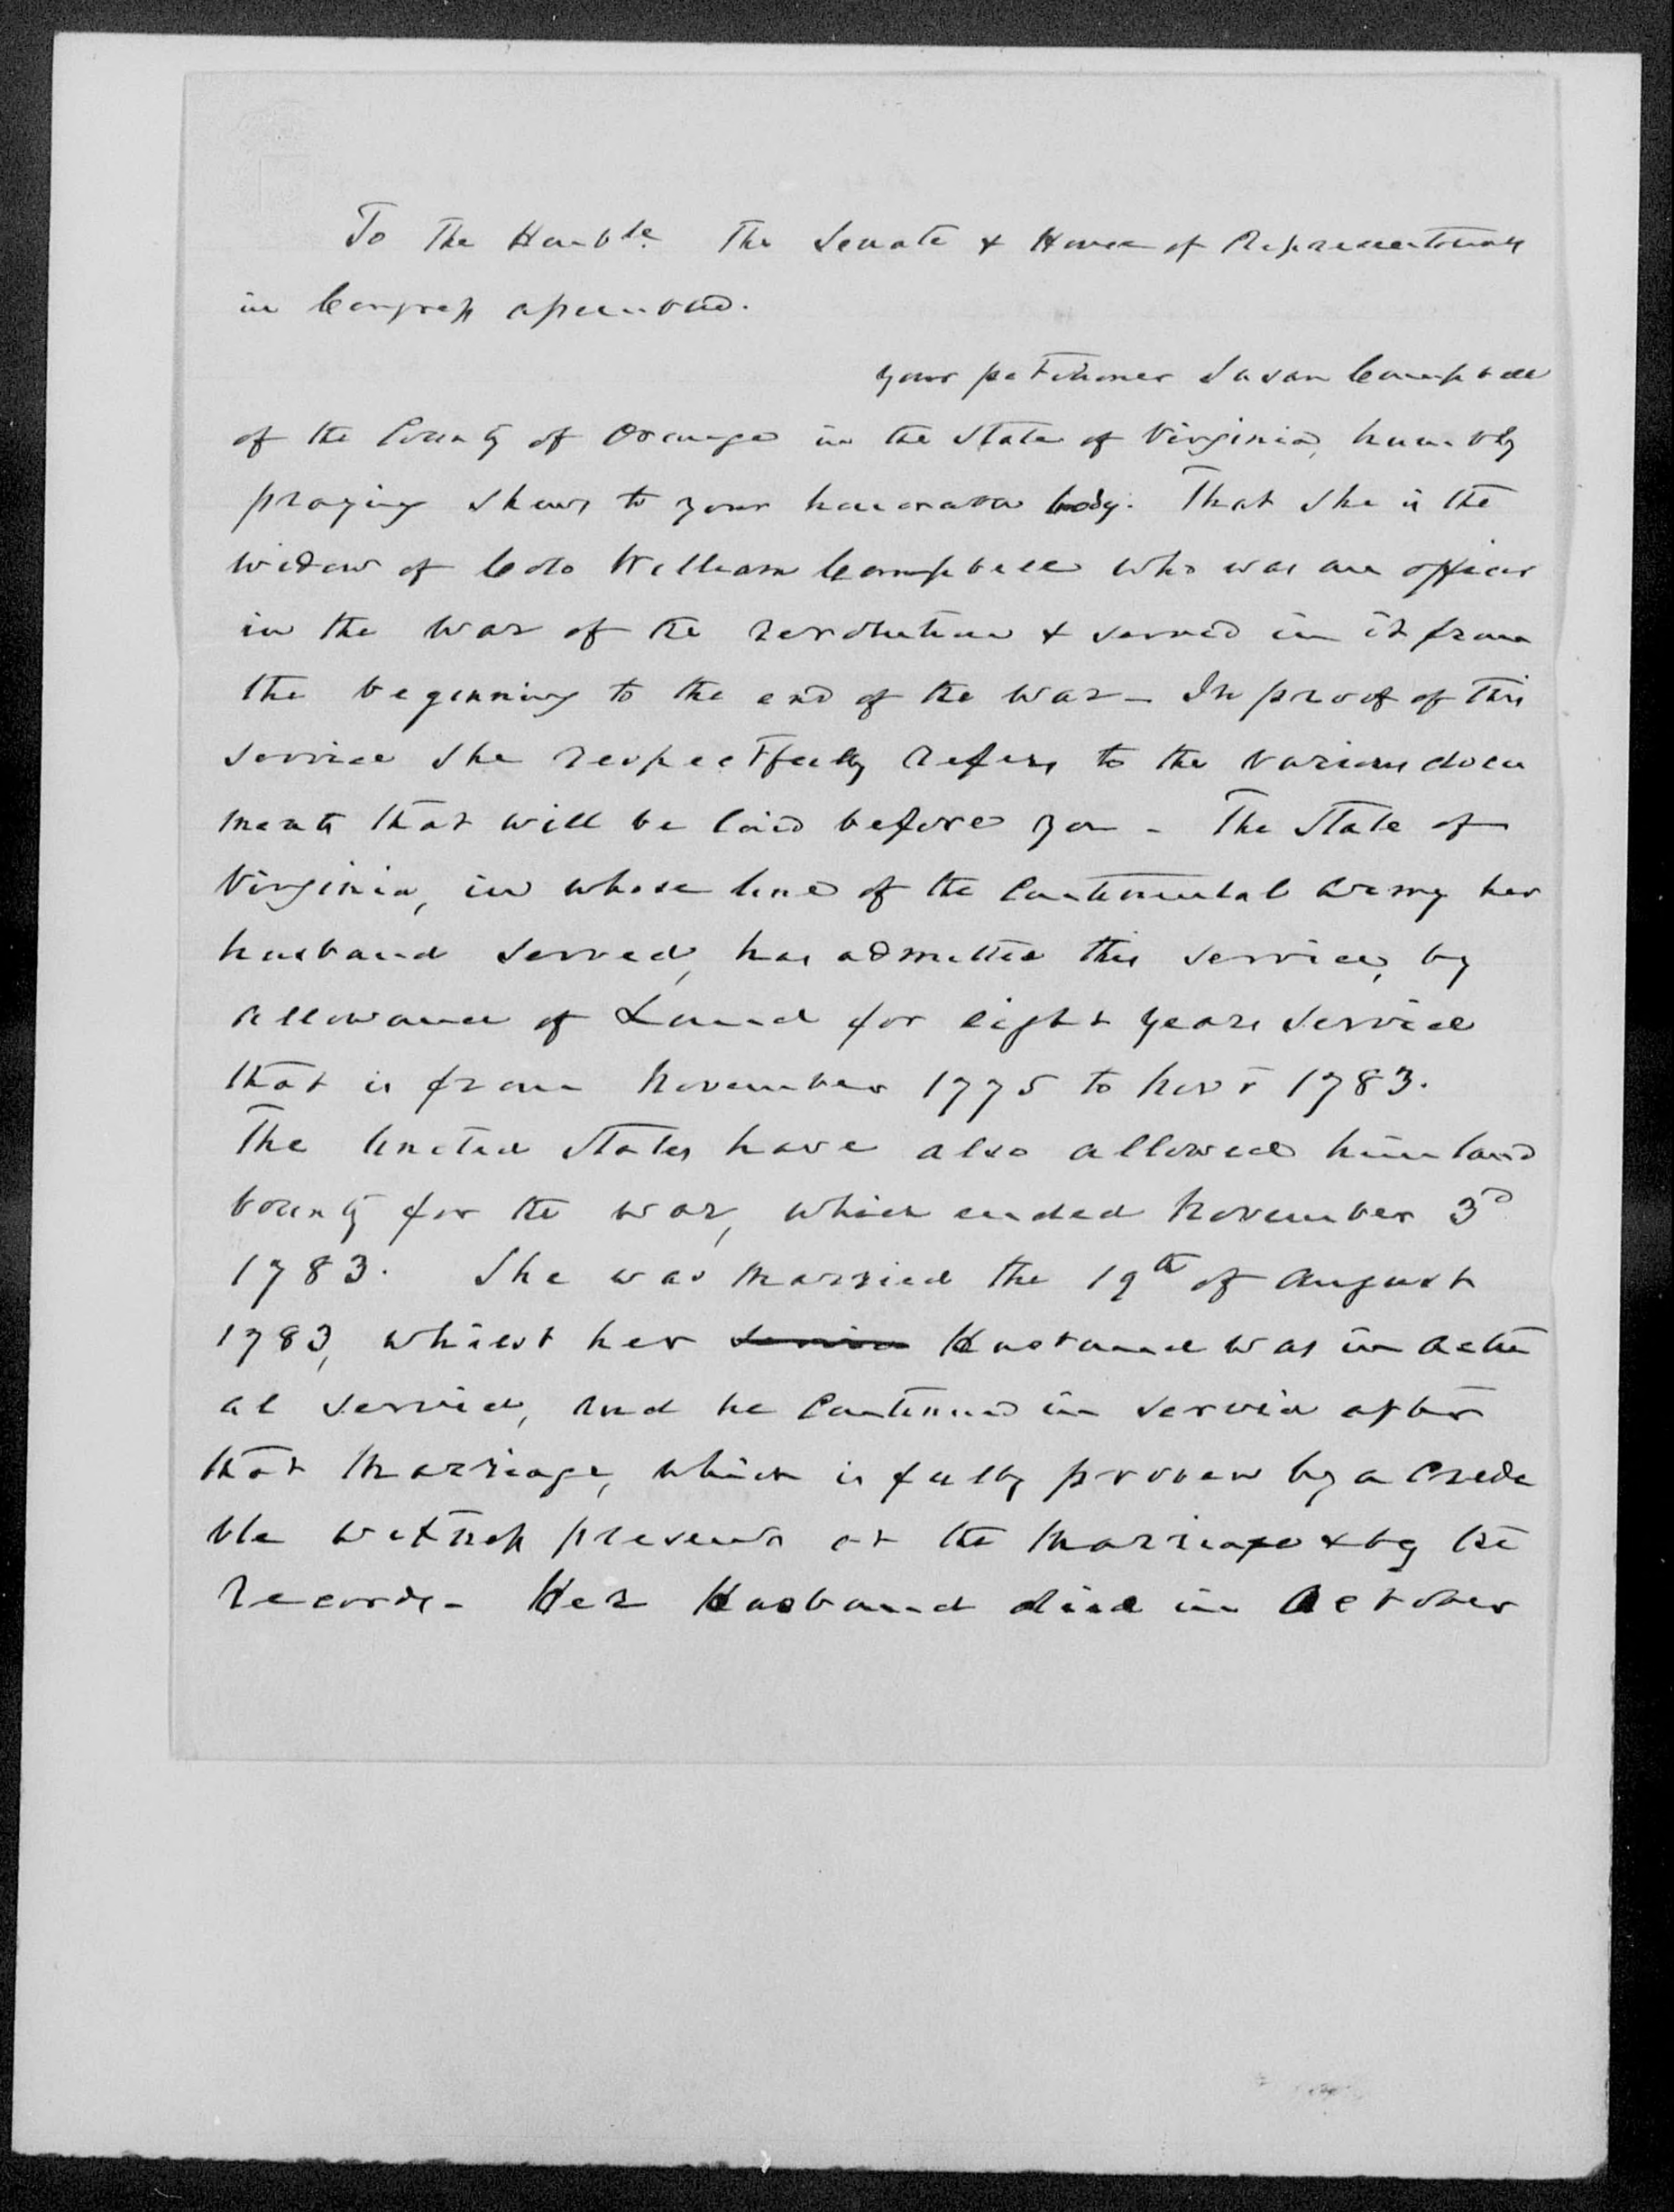To the Honble. the Senate & House of Representatives in Congress [illegible].
Your petitioner Susan Campbell of the County of Orange in the State of Virginia, humbly praying shows to your honorable body. That she is the widow of Colo William Campbell who was an officer in the war of the revolution & served in it from the beginning to the end of the war - In proof of this service she respectfully refers to the various documents that will be laid before you - The State of Virginia, in whose line of the Continental Army her husband served, has admitted this service, by allowance of Land for eight years Service that is from November 1775 to Novr 1783.
The United States have also allowed him land bounty for the war, which ended November 3d 1783. She was married the 19th of August 1783, whilst her Husband was in actual service, and he Continued in service after that Marriage, which is fully proven by a Credible Witness present at the Marriage & by the records - Her Husband died in October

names: Susan Campbell, William Campbell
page: 137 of 267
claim: widow's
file: W. 4,149, William Campbell, Va.